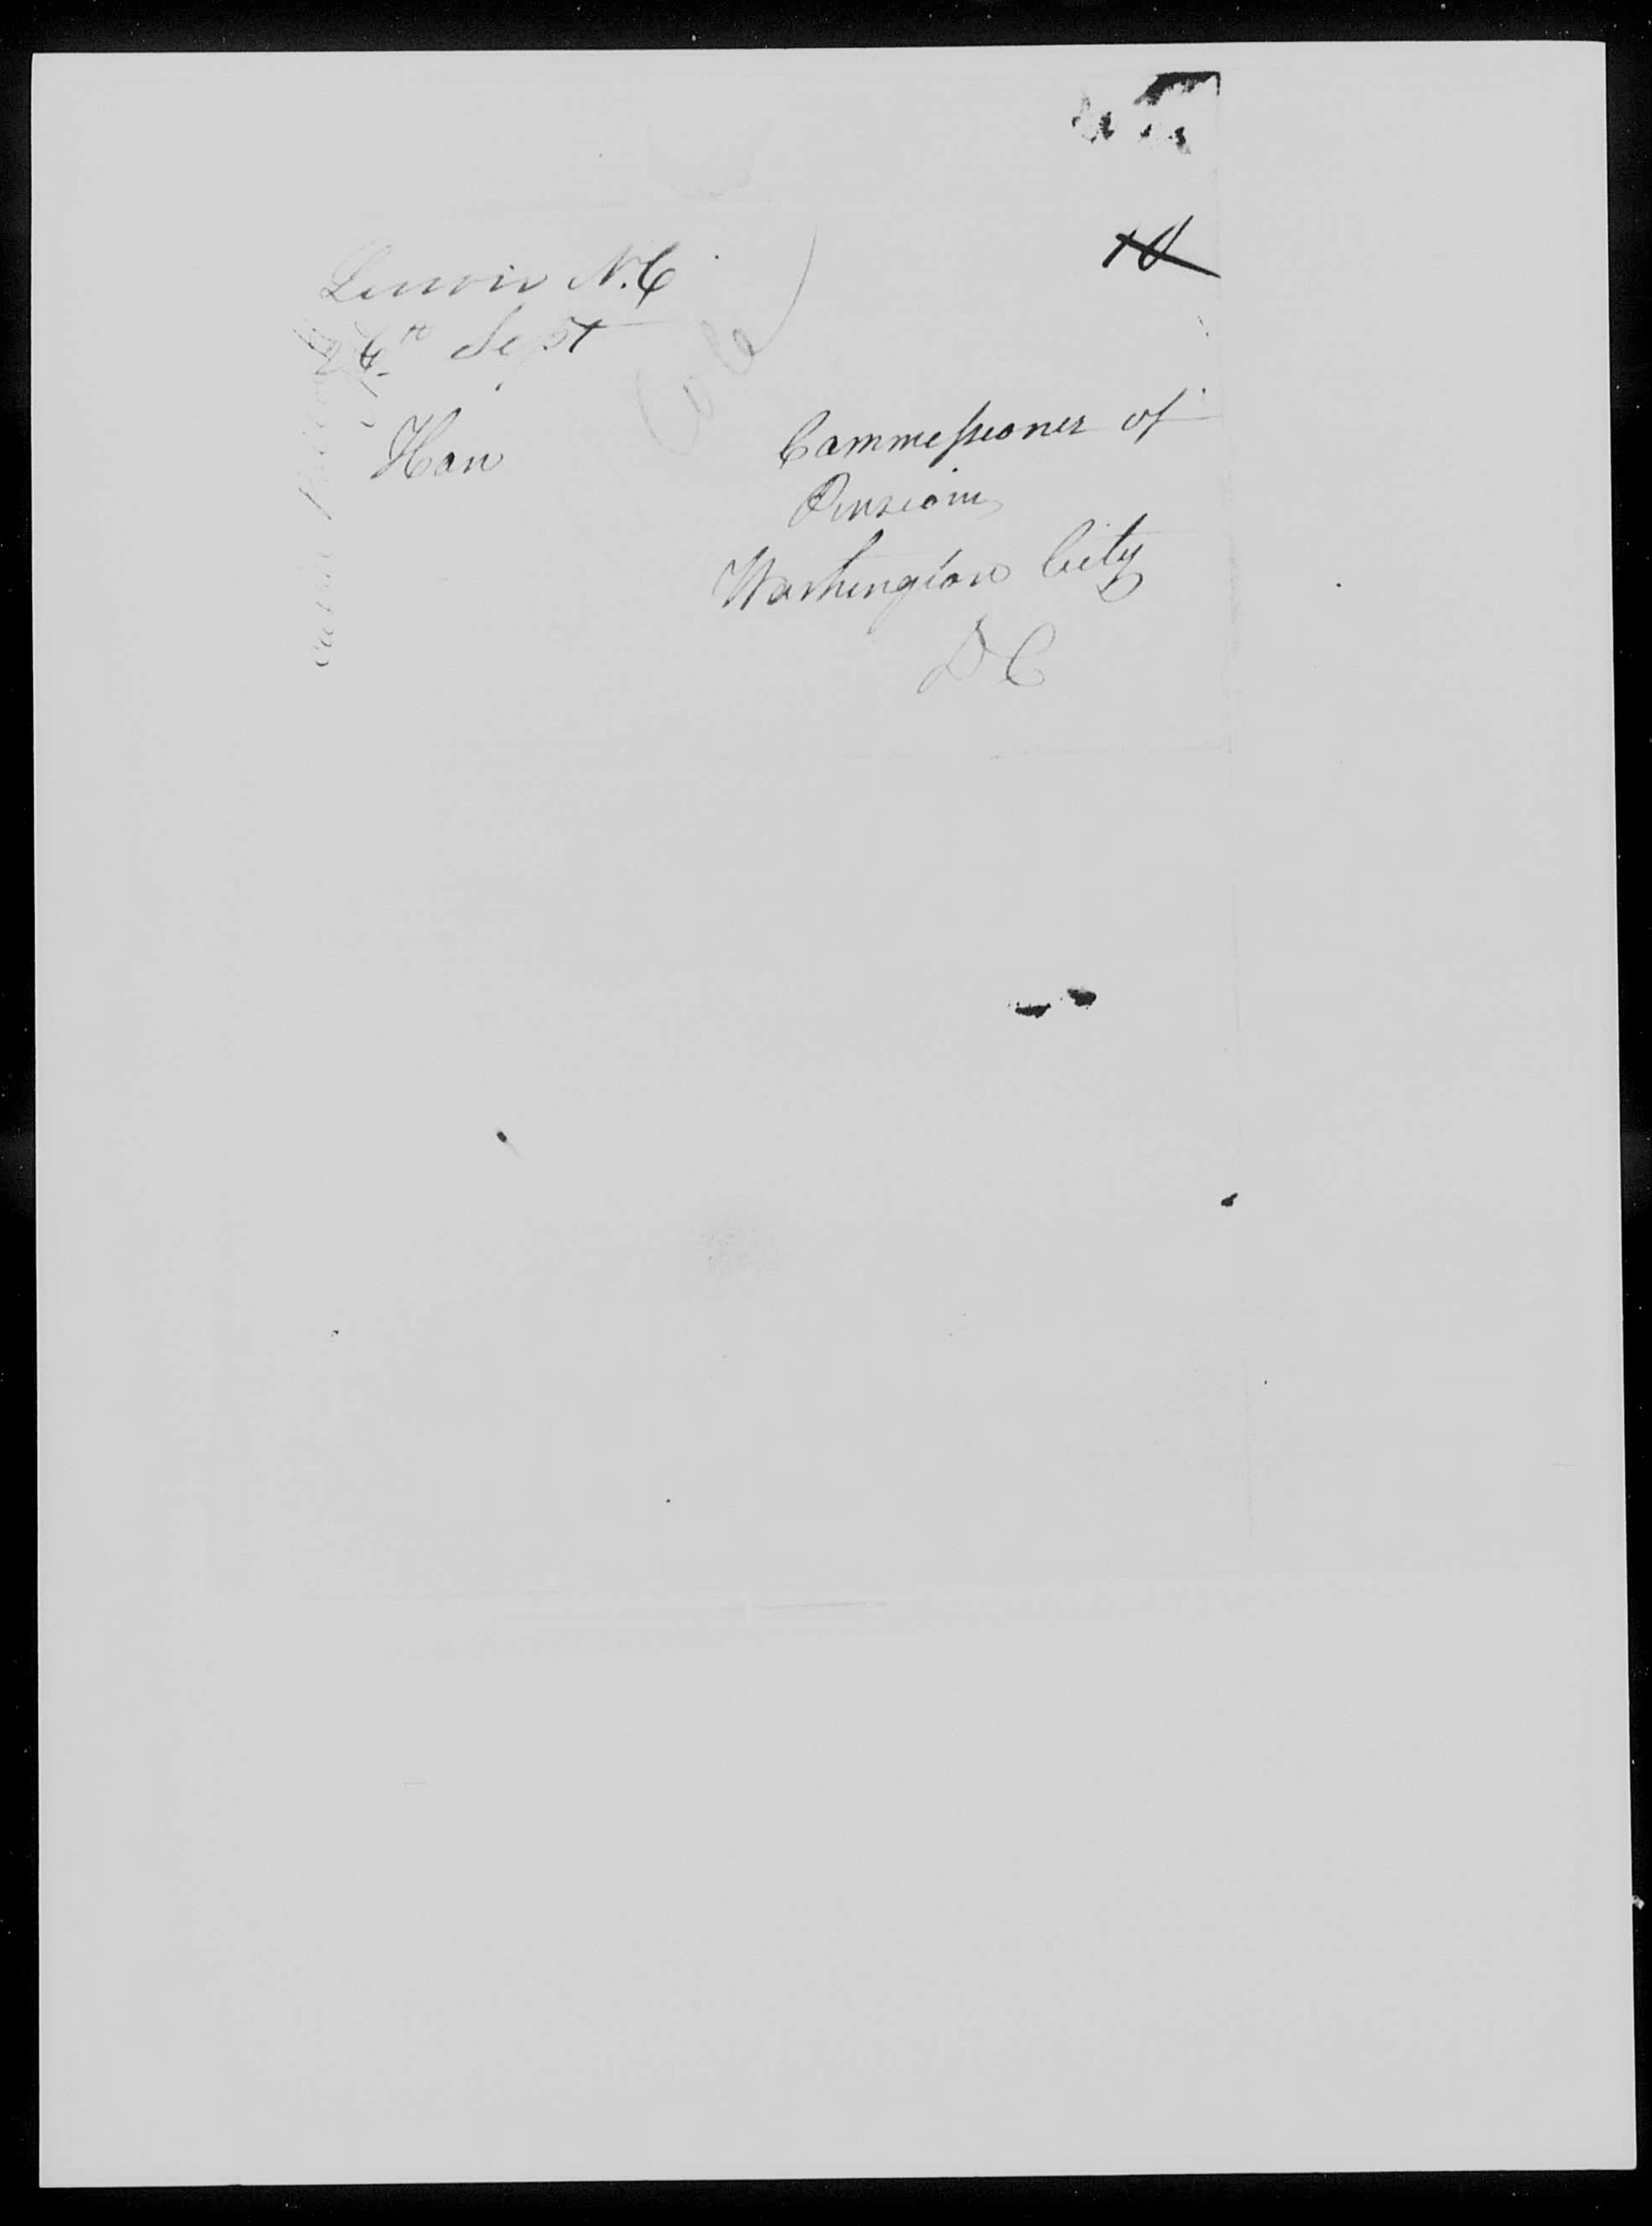Lenoir N. C.   10
26th Sept.
Hon.     Commissioner of Pensions
Washington City 
DC

Cole

[illegible]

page: 23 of 43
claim: widow's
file: W. 18,566, Casper Bolick, N.C.